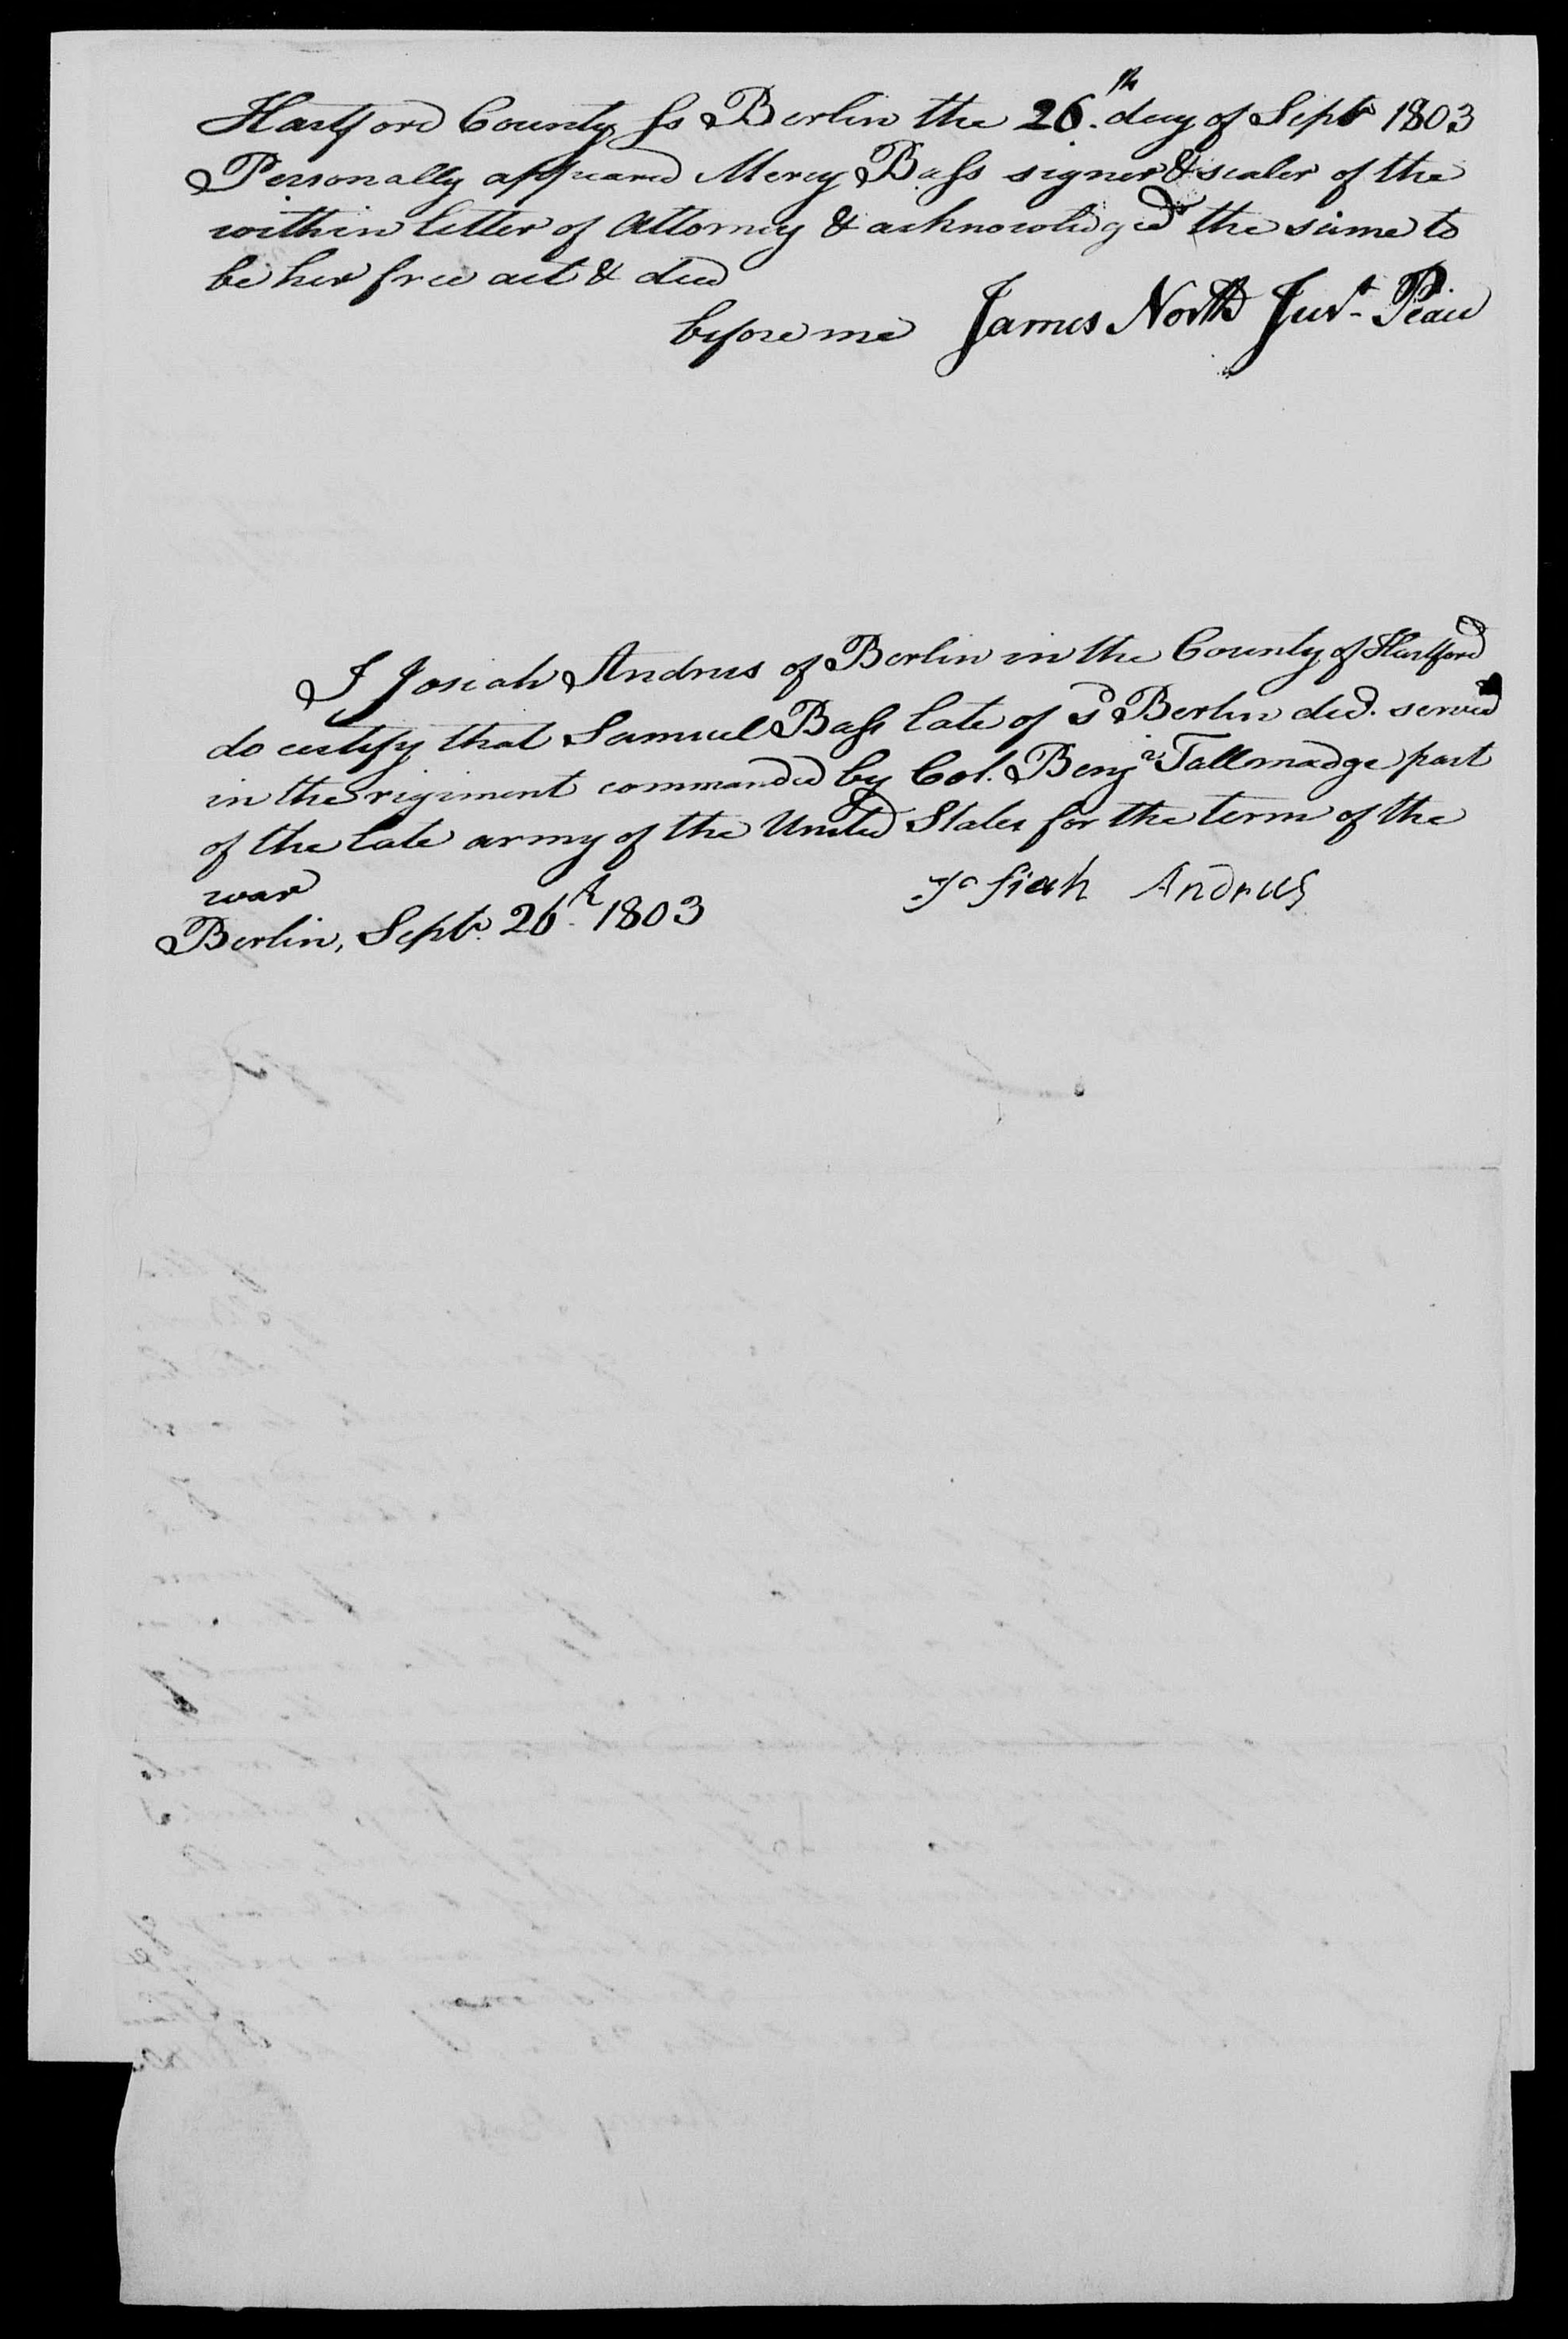Hartford County ss Berlin the 26th day of Sept 1803 
Personally appeared Mercy Bass signer & sealer of the within letter of Attorney & acknowledged the same to be her free act & deed 
before me [Signed] James North Just. Peace 

I Josiah Andrus of Berlin in the County of Hartford do certify that Samuel Bass late of sd. Berlin dec'd. served in the regiment commanded by Col. Benjn Tallmadge part of the late army of the United States for the term of the war 
Berlin, Sept. 26th 1803  [Signed] Josiah Andrus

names: Josiah Andrus, James North, Josiah Andrus, Samuel Bass, Mercy Bass, Benjn Tallmadge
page: 6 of 9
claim: bounty land warrant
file: B. L. Wt. 87-100, Samuel Bass, Continental